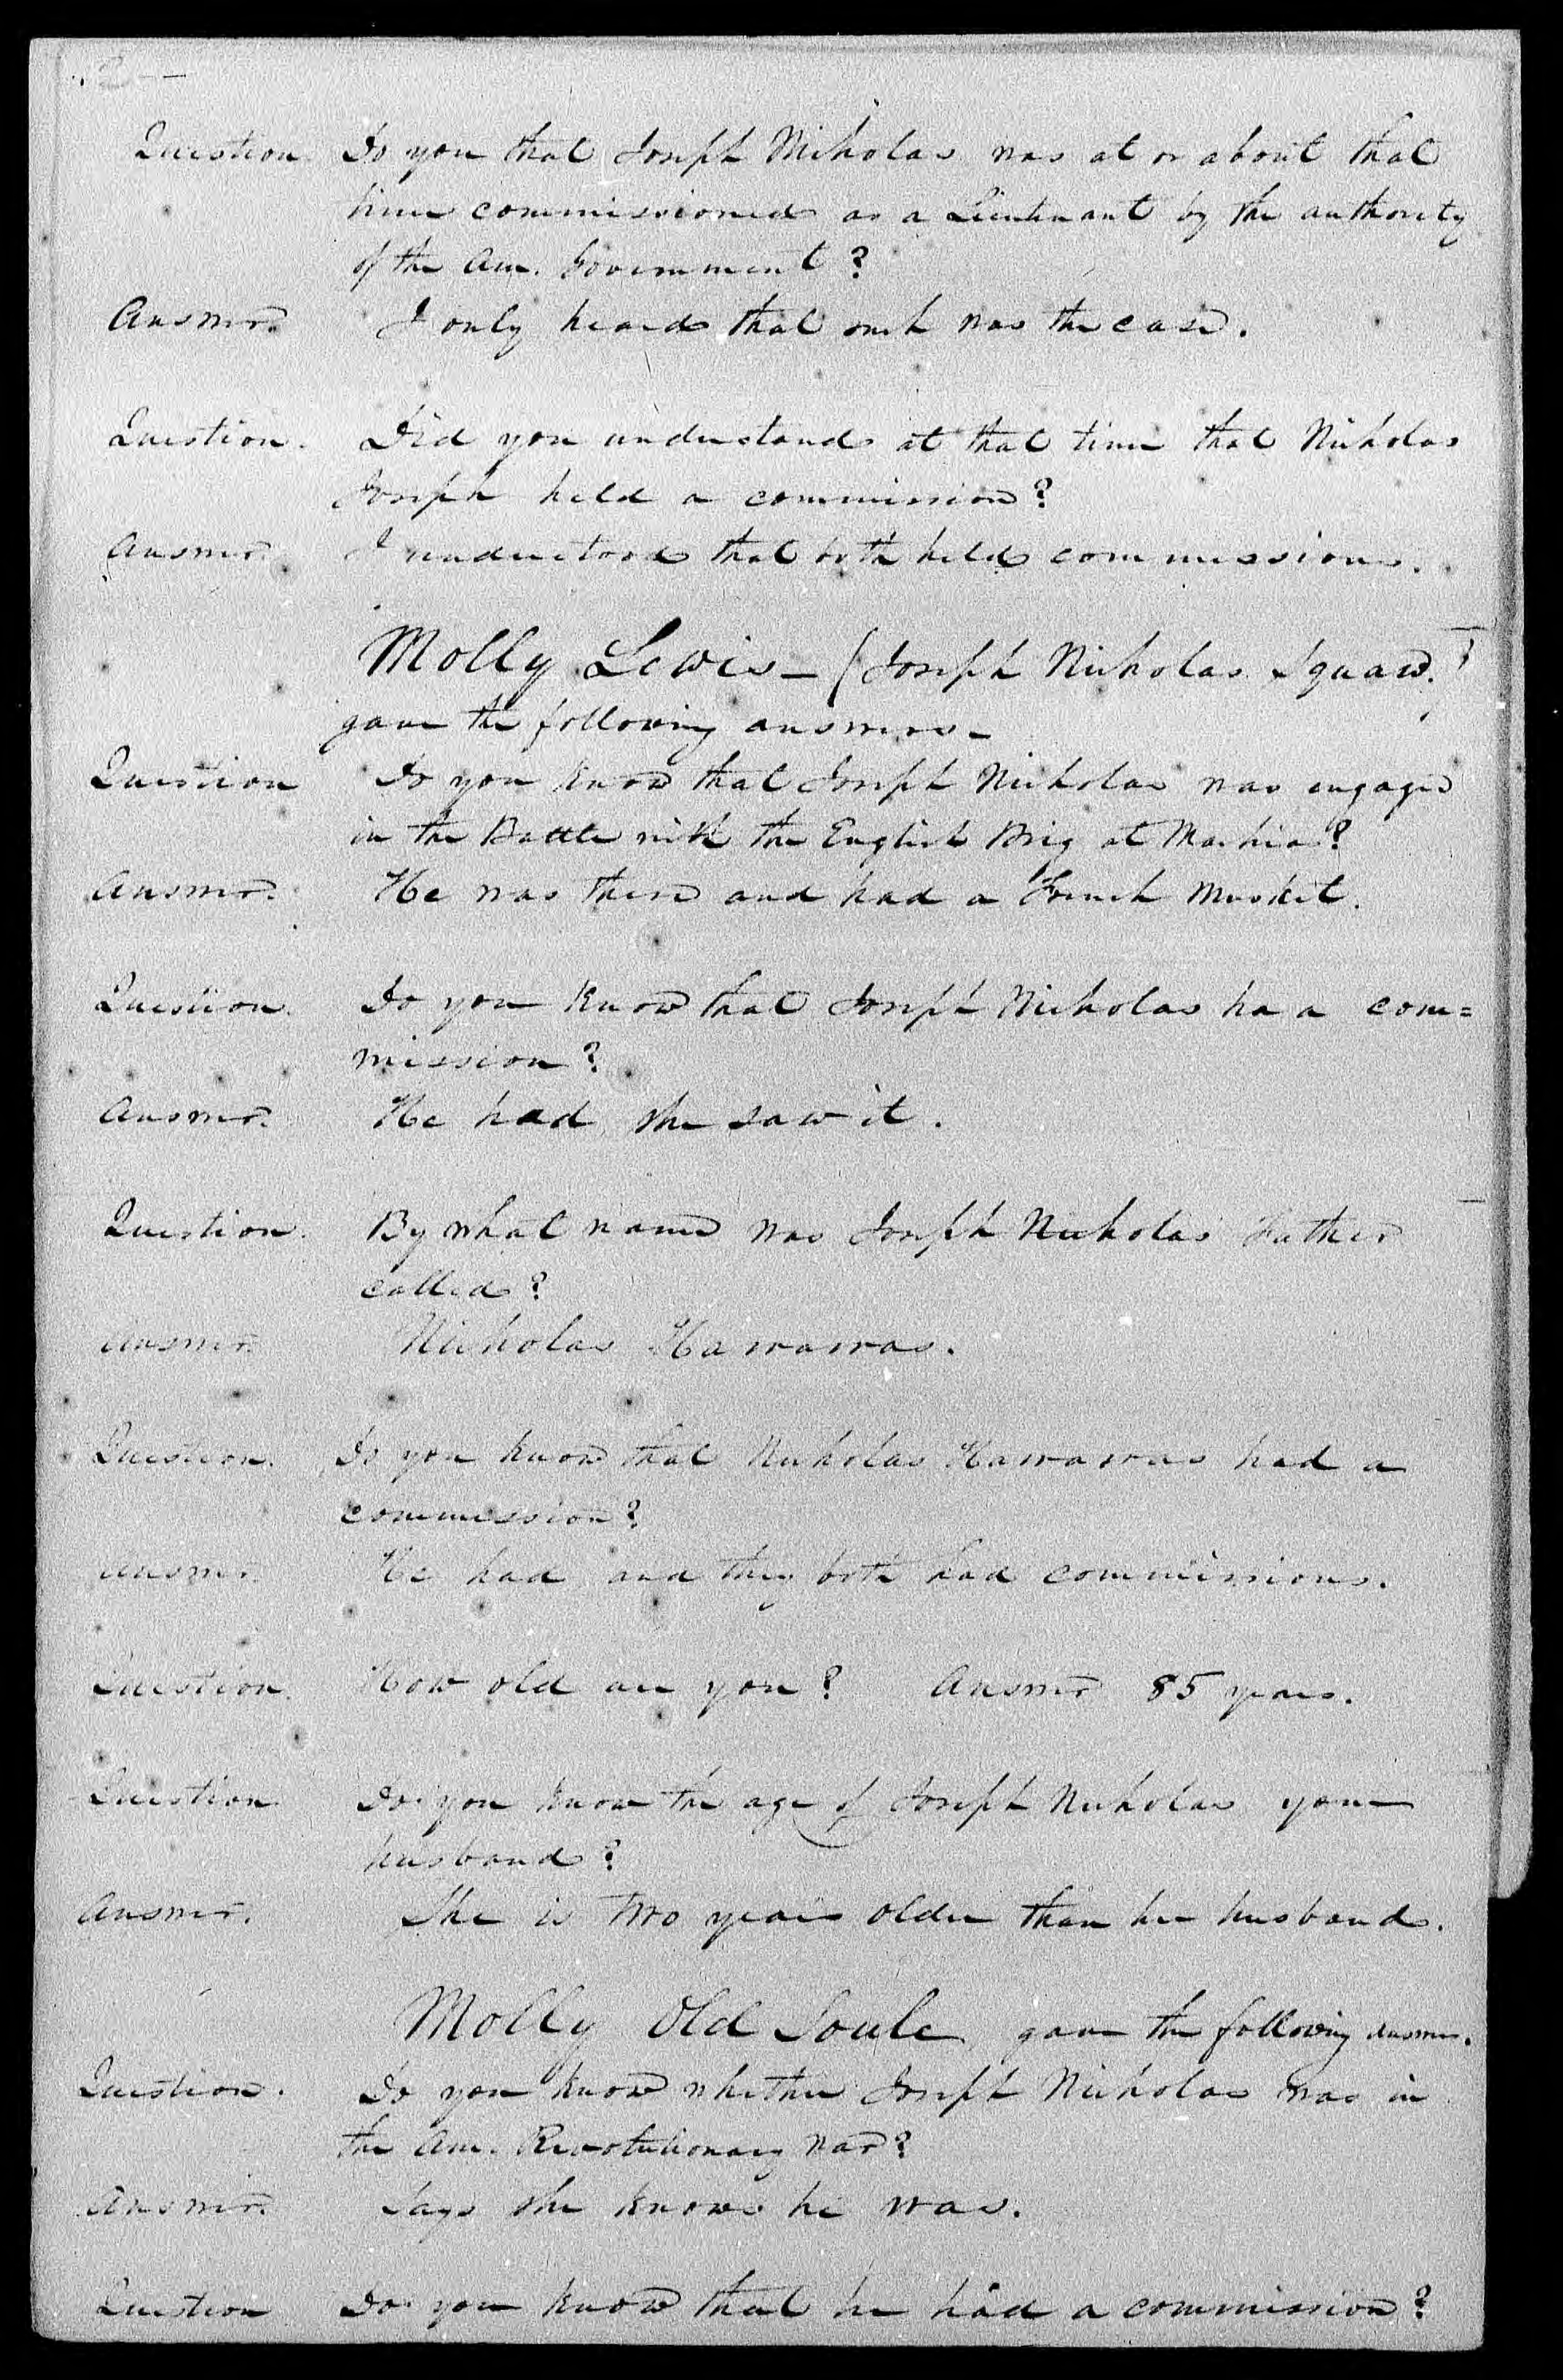Question. Do you that Joseph Nicholas was at or about that
time commissioned as a Lieutenant by the authority
of the Am. Government?
Answer. I only heard that [much?] was the case.

Question. Did you understand at that time that Nicholas
Joseph held a commission?
Answer. I understood that both held commissions.

Molly Lewis—/Joseph Nicholas Squaw.
gave the following answers–
Question Do you know that Joseph Nicholas was engaged
in the Battle with the English Brig at Machias?
Answer. He was there and had a French musket.

Question. Do you know that Joseph Nicholas ha a com=
mission?
Answer. He had, she saw it.

Question. By what name was Joseph Nicholas Father
called?
Answer. Nicholas Hawawas.

Question. Do you know that Nicholas  Hawawas had a
commission?
Answer. He had and they both had commissions.

Question. How old are you? Answer 85 years.

Question. Do you know the age of Joseph Nicholas your
husband?
Answer. She is two years older than her husband.

Molly Old Soule gave the following answer.
Question. Do you know whether Joseph Nicholas was in
the Am. Revolutionary War?
Answer. Says she knows he was.

Question Do you know that he had a commission?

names: Molly, Joseph Nicholas, Nicholas Hawawas, Joseph Nicholas, Joseph Nicholas, Nicholas Joseph, Joseph Nicholas, Molly Lewis, Joseph Nicholas, Joseph Nicholas, Nicholas Hawawas, Joseph Nicholas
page: 11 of 52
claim: survivor's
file: S 17997, Nicholas Hawwawas, Mass.